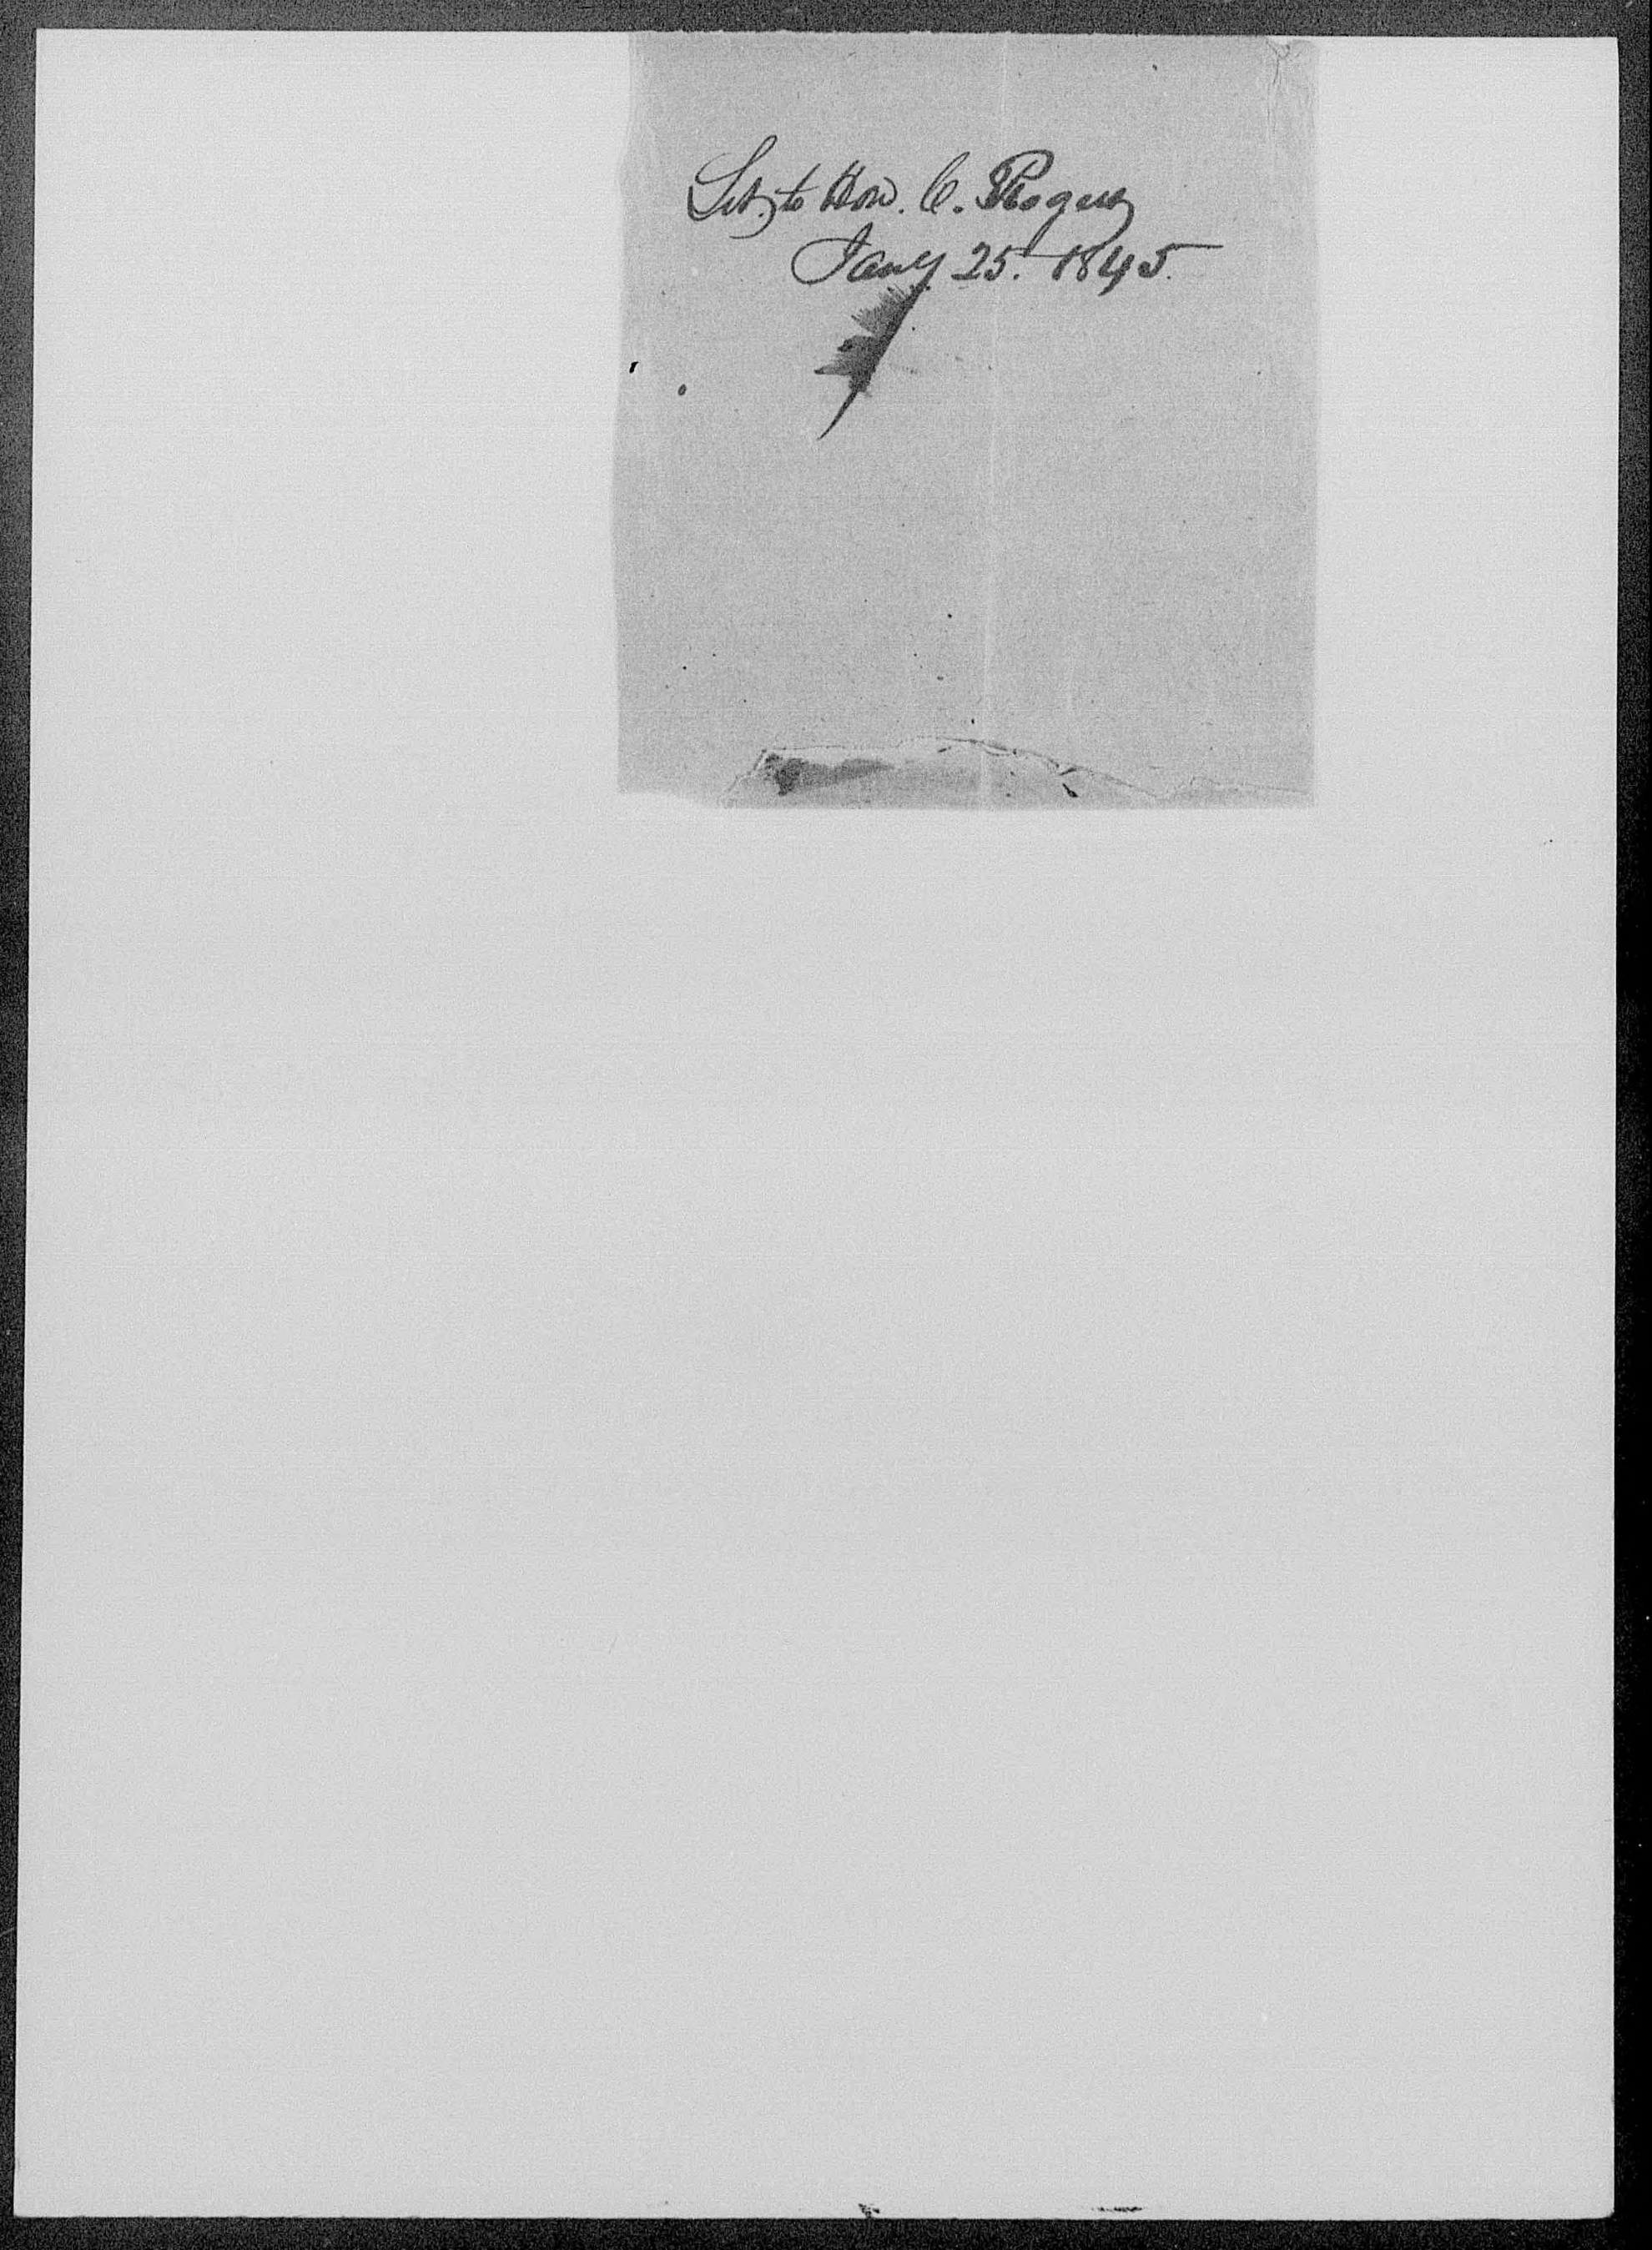Let to Hon. C. Rogers 
May 25, 1845.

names: C Rogers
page: 25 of 51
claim: widow's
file: W. 1698, Oliver Barker, Conn.